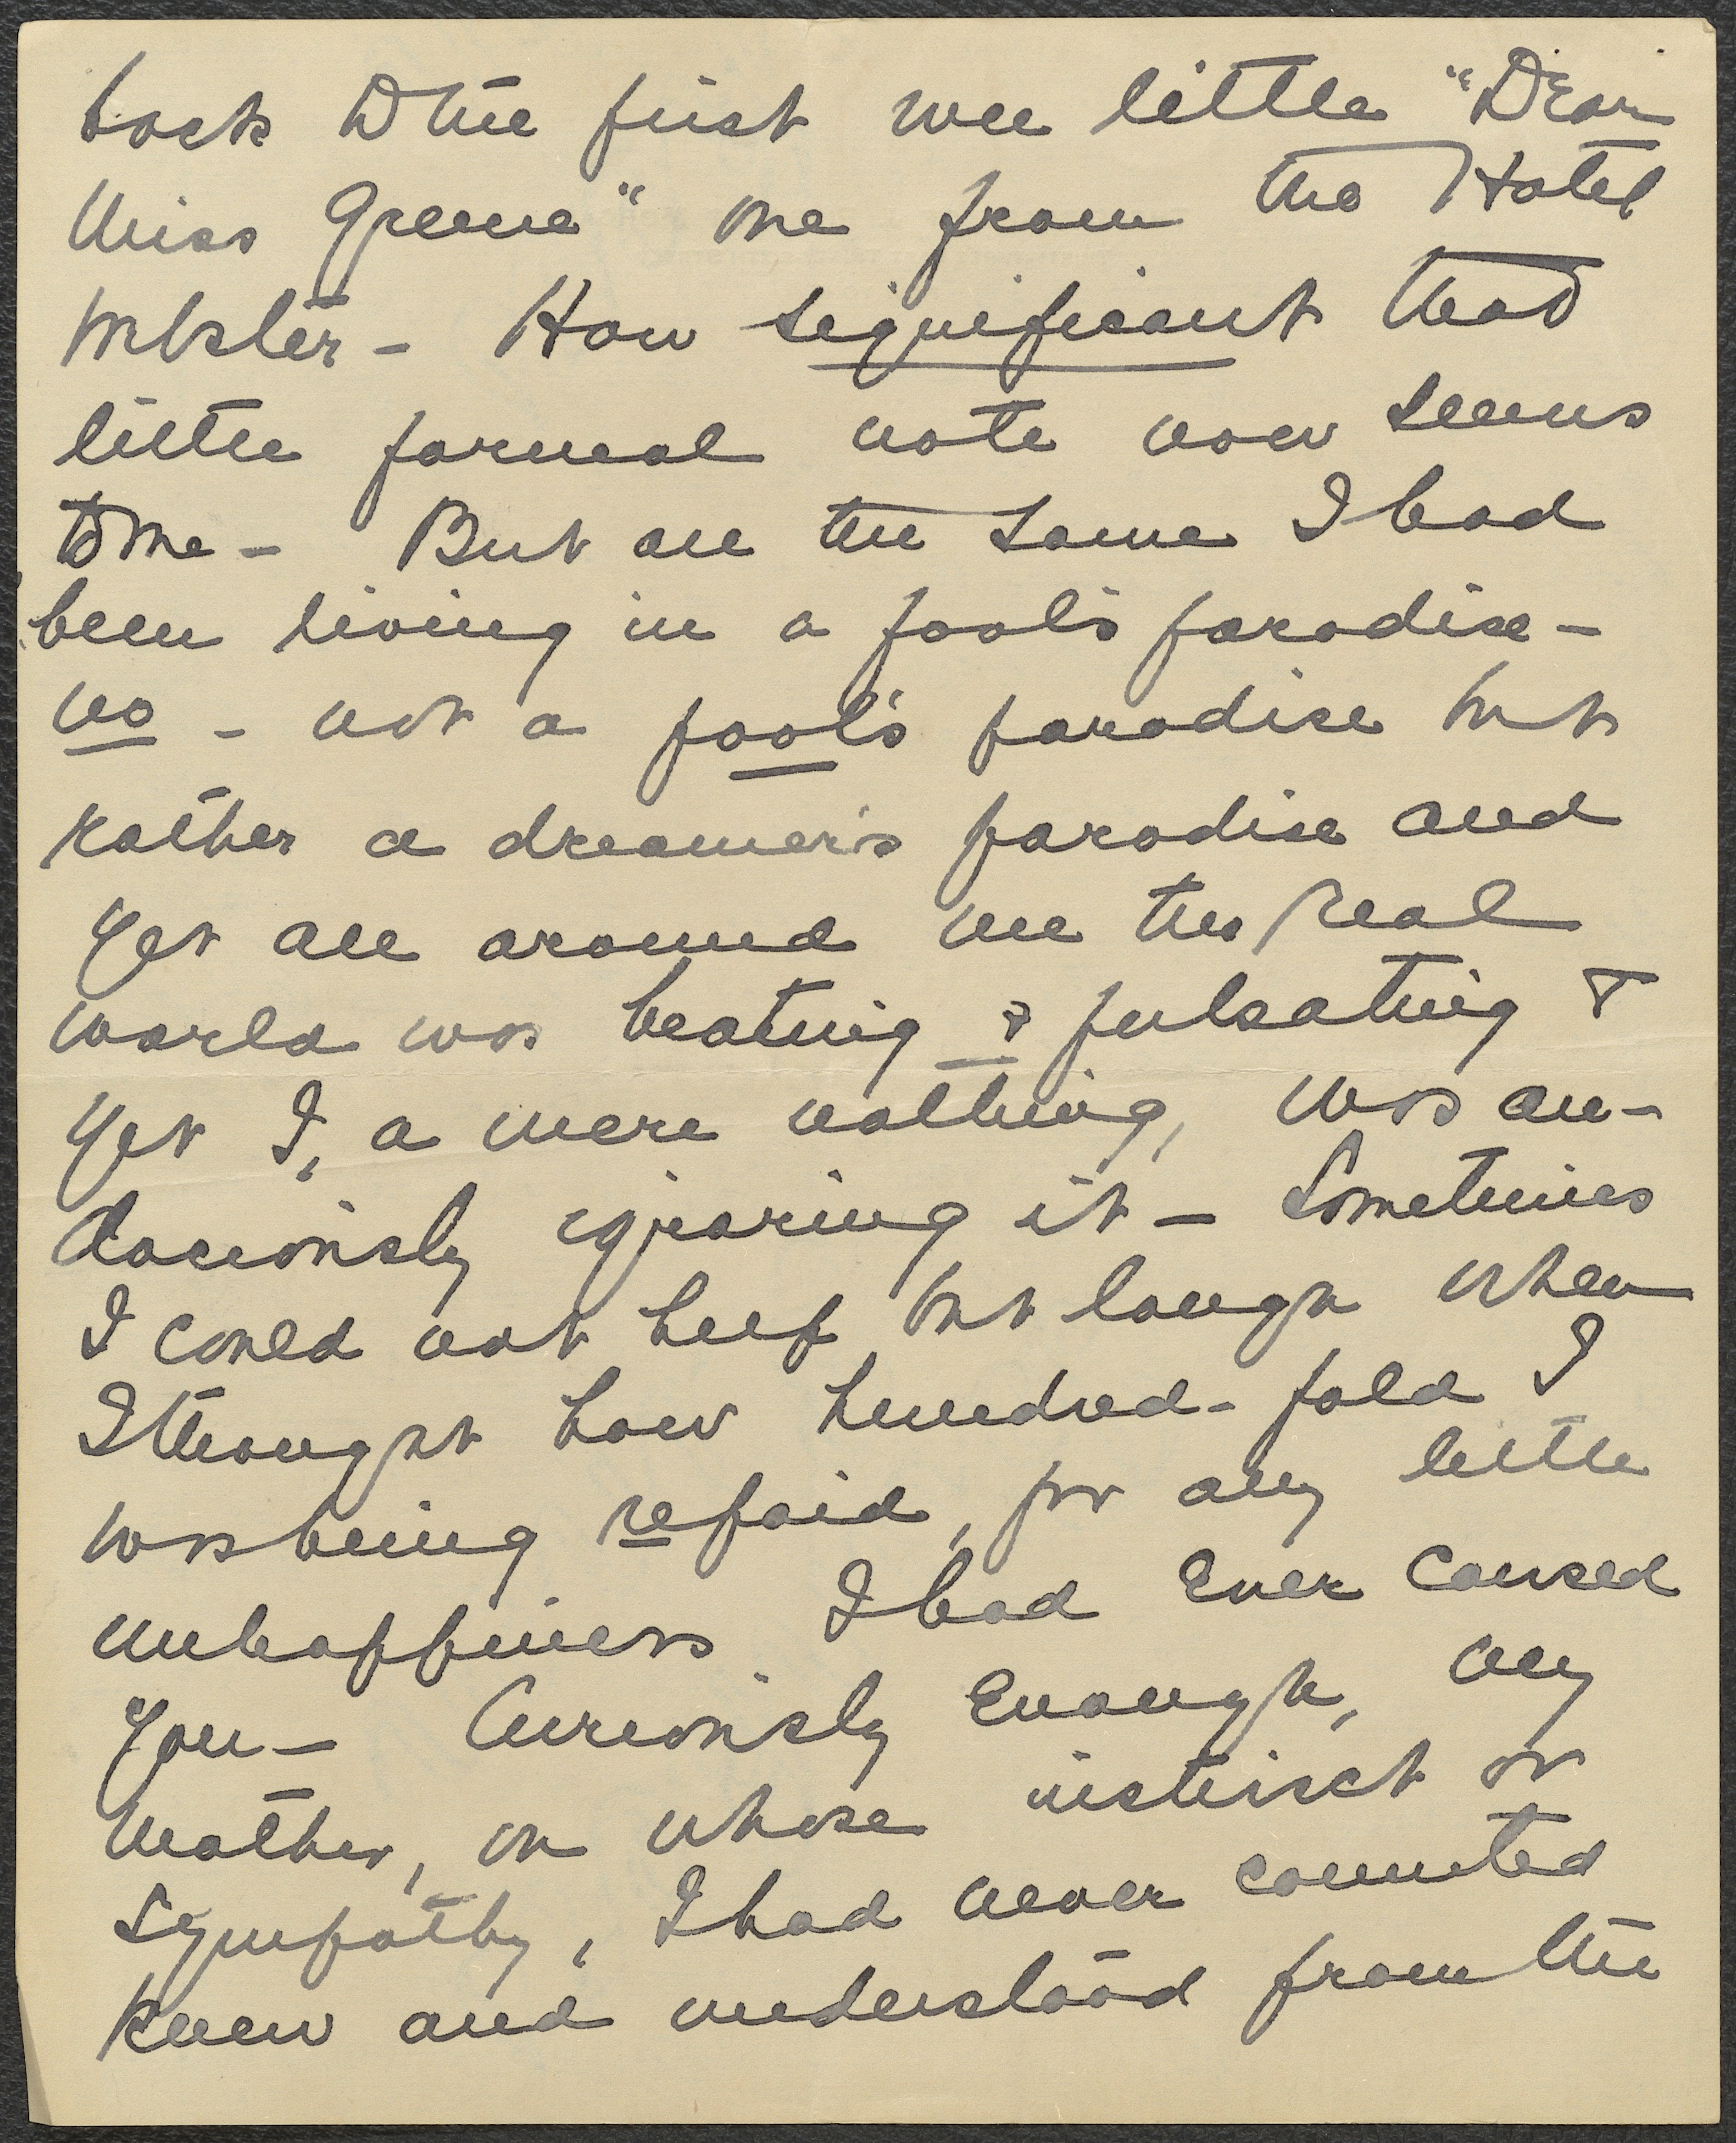back to the first wee little “Dear Miss Greene” one from the Hotel Mister – How significant that little formal note now seems to me – But all the same I had been living in a fool’s paradise – No – not a fool’s paradise but rather a dreamer’s paradise and yet all around me the real world was beating & pulsating & yet I, a mere nothing, was unconsciously ignoring it – Sometimes I could not help but laugh when I thought how hundred-fold I was being repaid, for any little unhappiness I had ever caused you – Curiously enough, my mother, on whose instinct or sympathy, I had never counted knew and understood from the